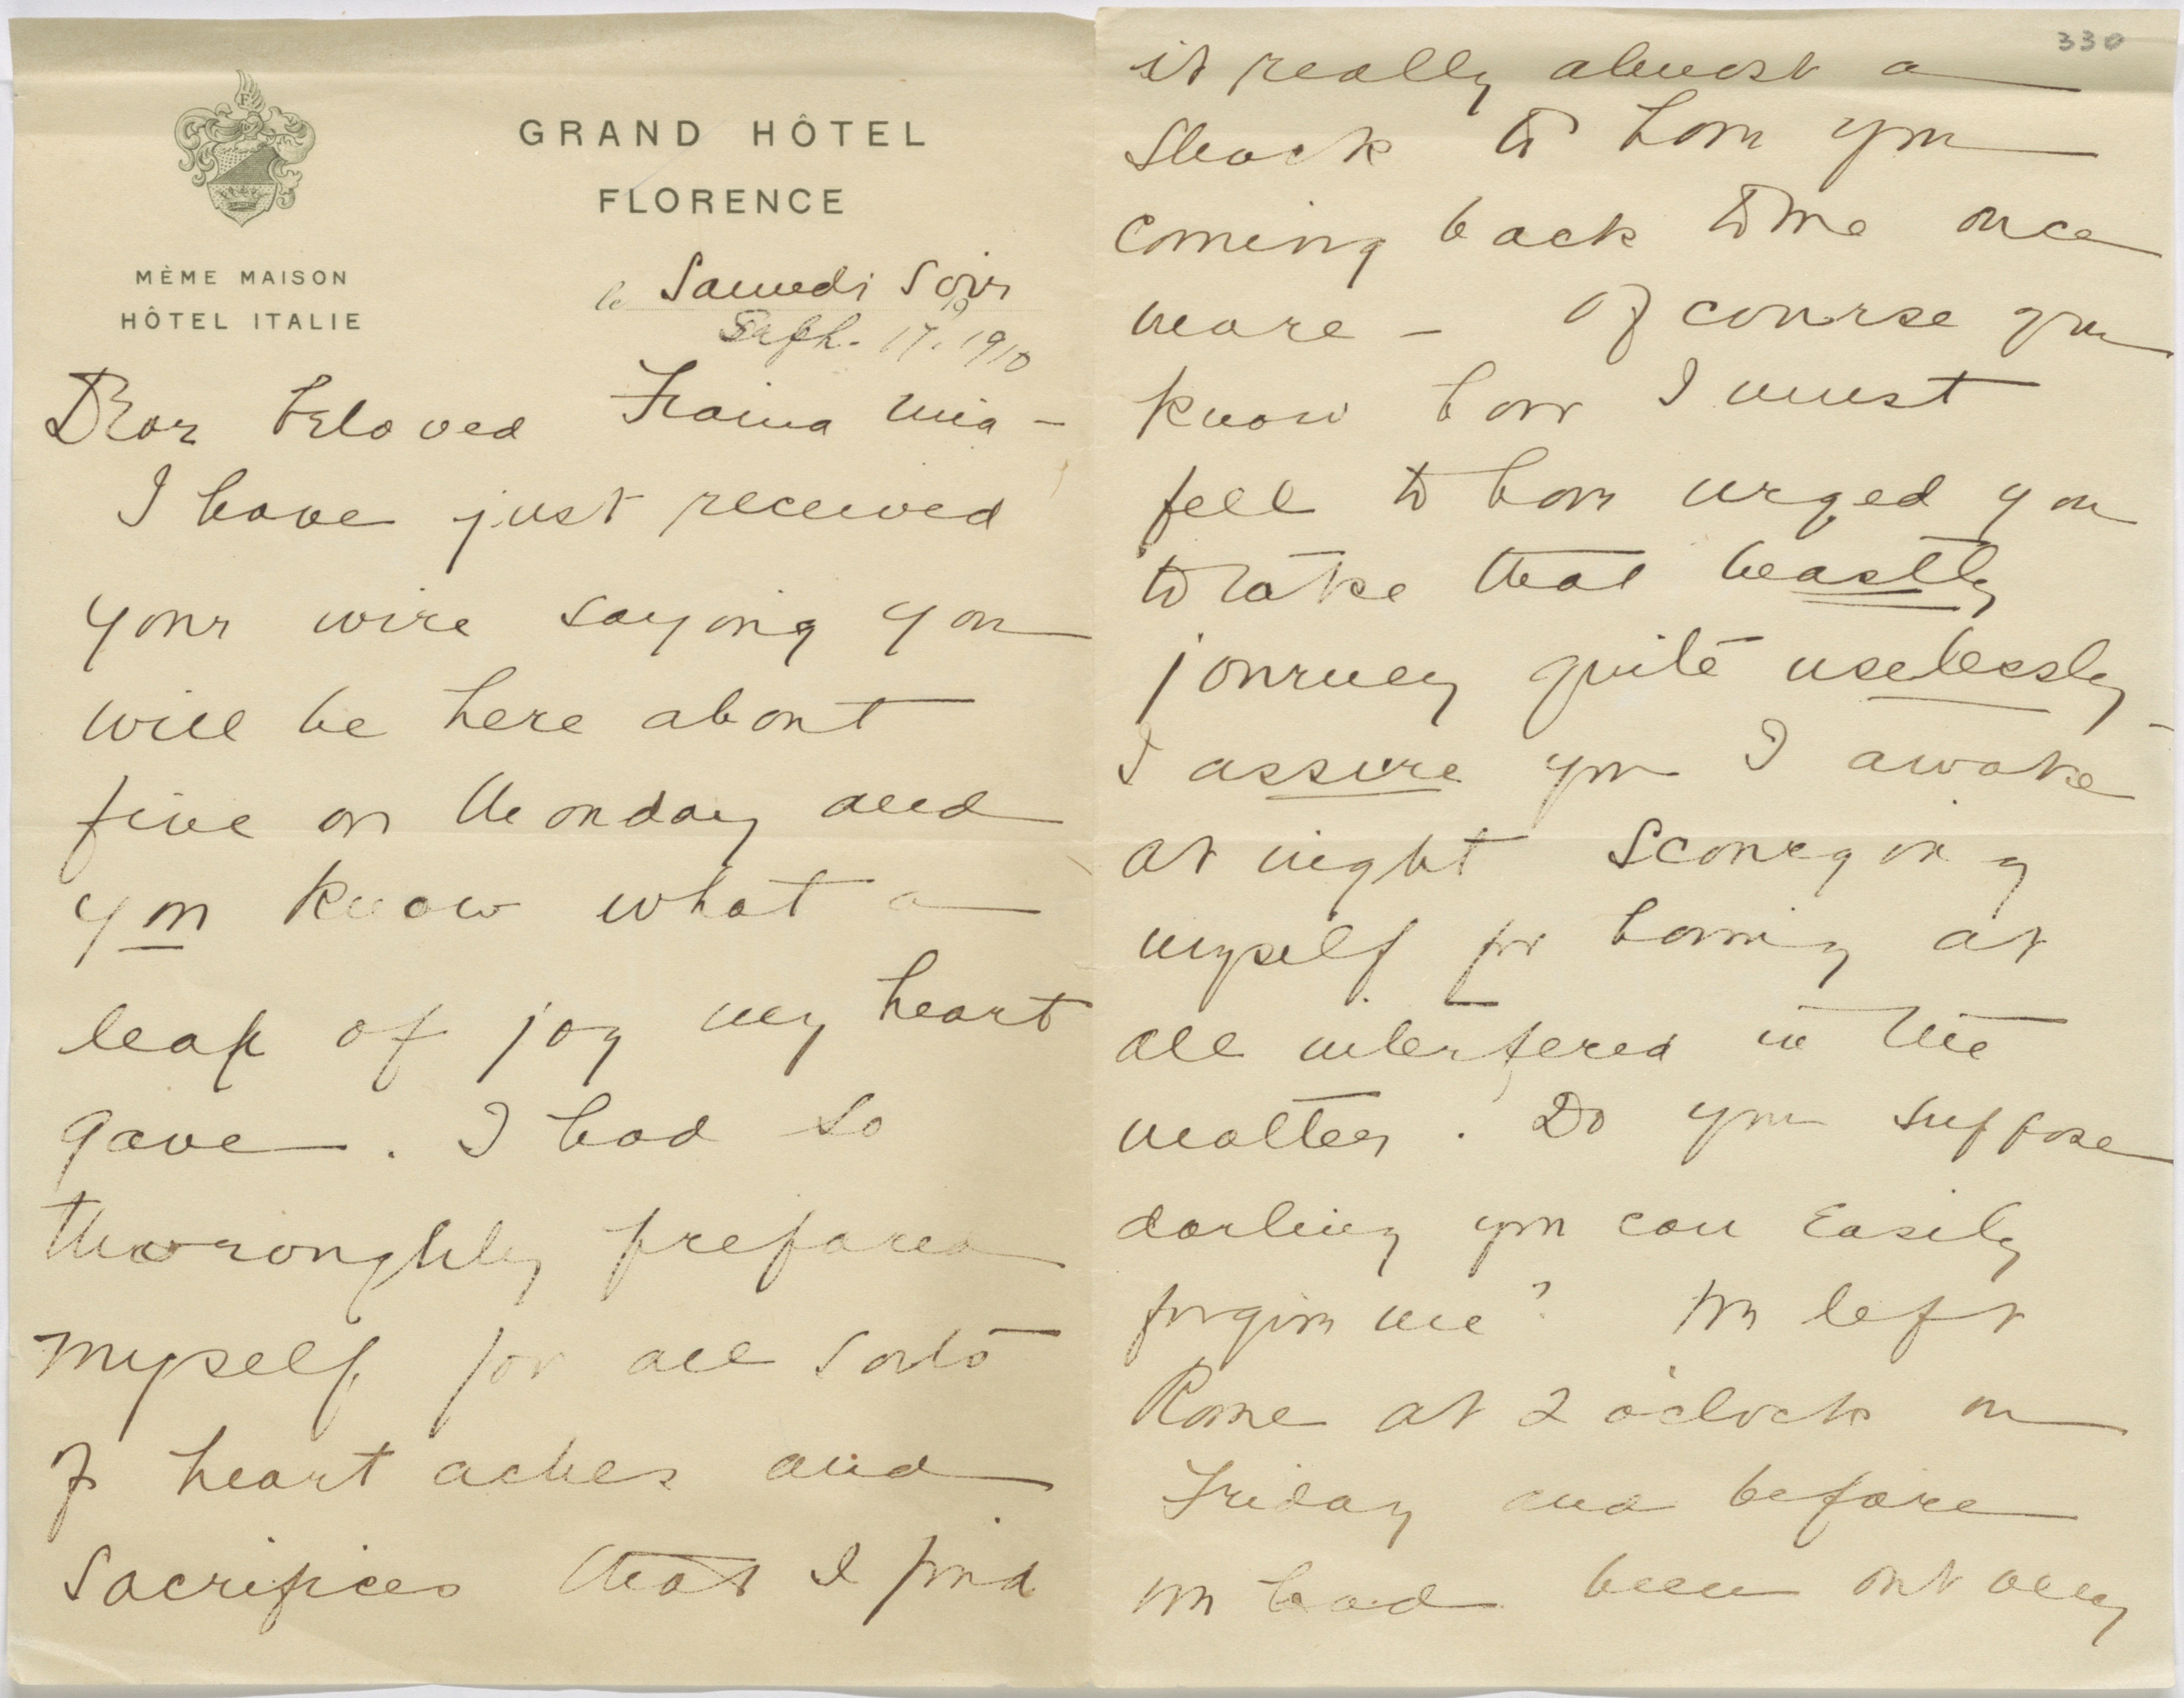Samedi soir
Dear beloved Fiama mia –
I have just received your wire saying you will be here about five on Monday and you know what a leap of joy my heart gave. I had so thoroughly prepared myself for all sorts of heart aches and sacrifices that I find
it really almost a shock to have you coming back to me once more – of course you know how I must feel to have urged you to take that [double underlined: beastly] journey quite uselessly I assure you I awoke at night scourging myself for having at all interfered in the matter! Do you suppose darling you can easily forgive me? We left Rome at 2 o’clock on Friday and before we had been out very